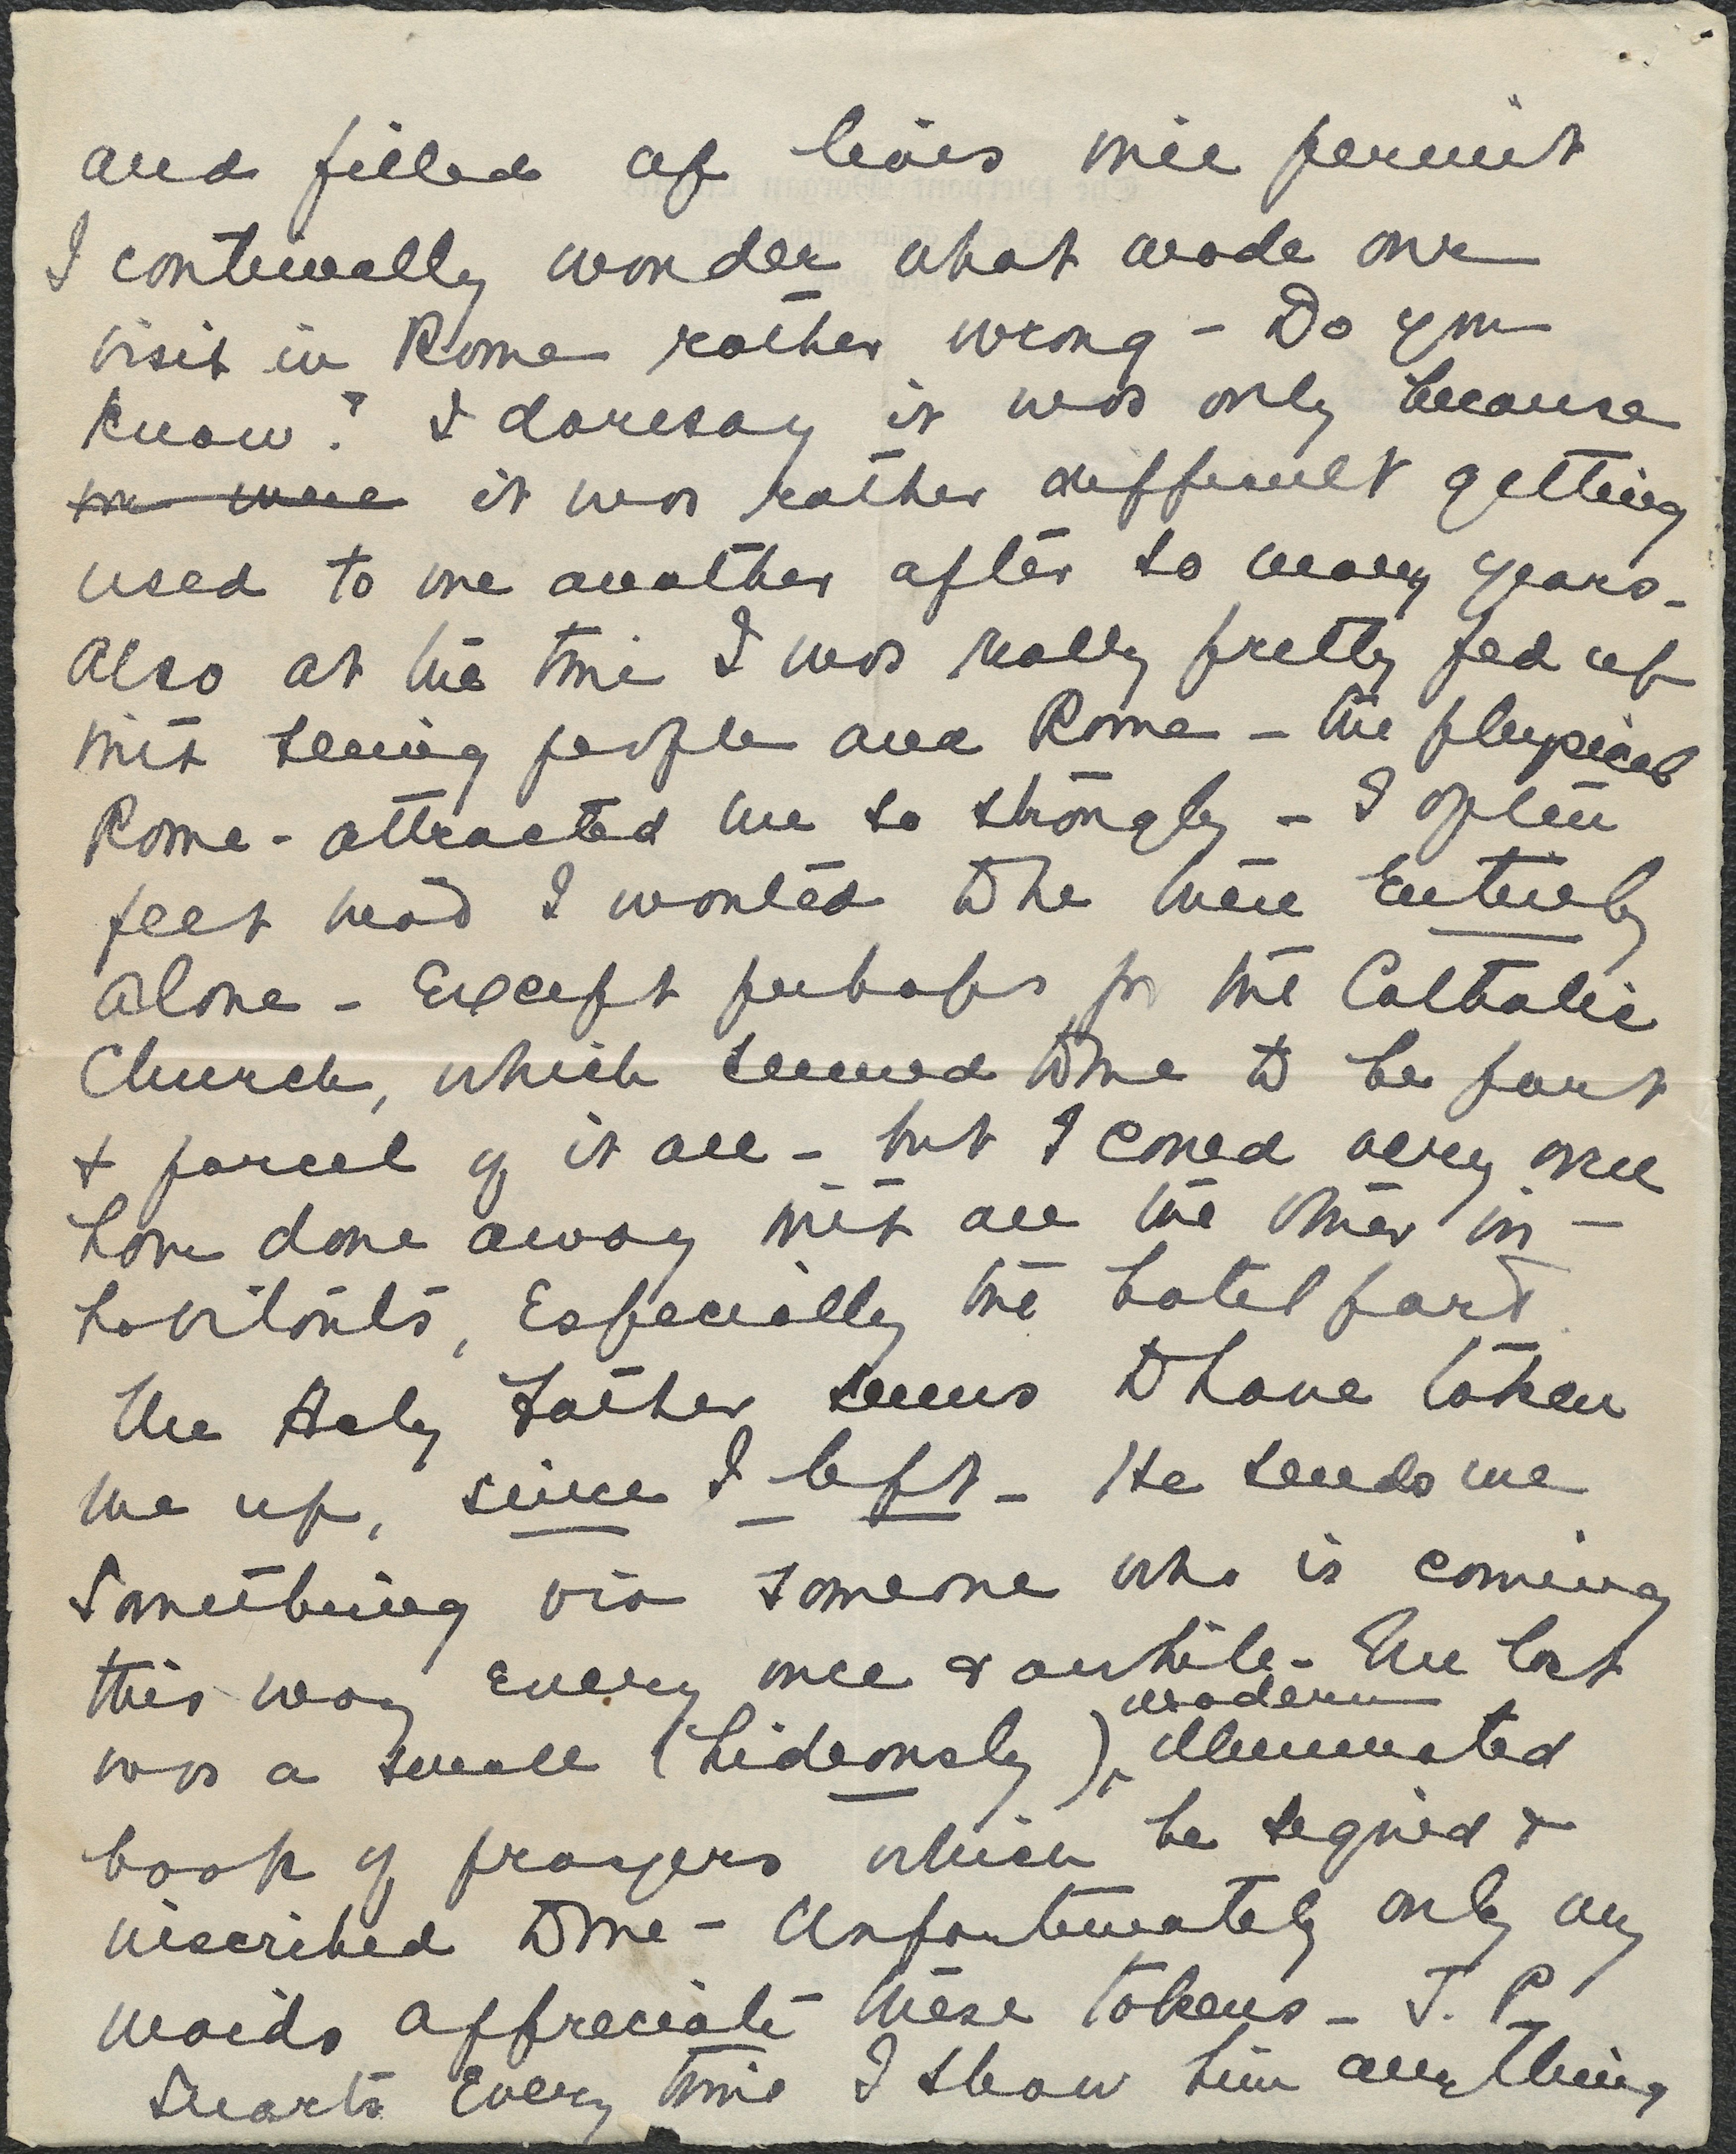filled up lives will permit
I continually wonder what made our visit in Rome rather wrong – Do you know? I daresay it was only because we were it was rather difficult getting used to one another after so many years – Also at the time I was really pretty fed up with seeing people and Rome – the physical Rome, attracted me so strongly – I often felt that I wanted to be there entirely alone – except perhaps for the Catholic Church, which seemed to me to be part & parcel of it all – but I could very well have done away with all the other inhabitants, especially the hotel part.
The Holy Father seems to have taken me up, since I left – He sends me something via someone who is coming this way every once & awhile. The last was a small (hideously) [^modern^] illuminated book of prayers which he signed & inscribed to me – Unfortunately only my maids appreciate these tokens – J.P. snorts every time I show him anything